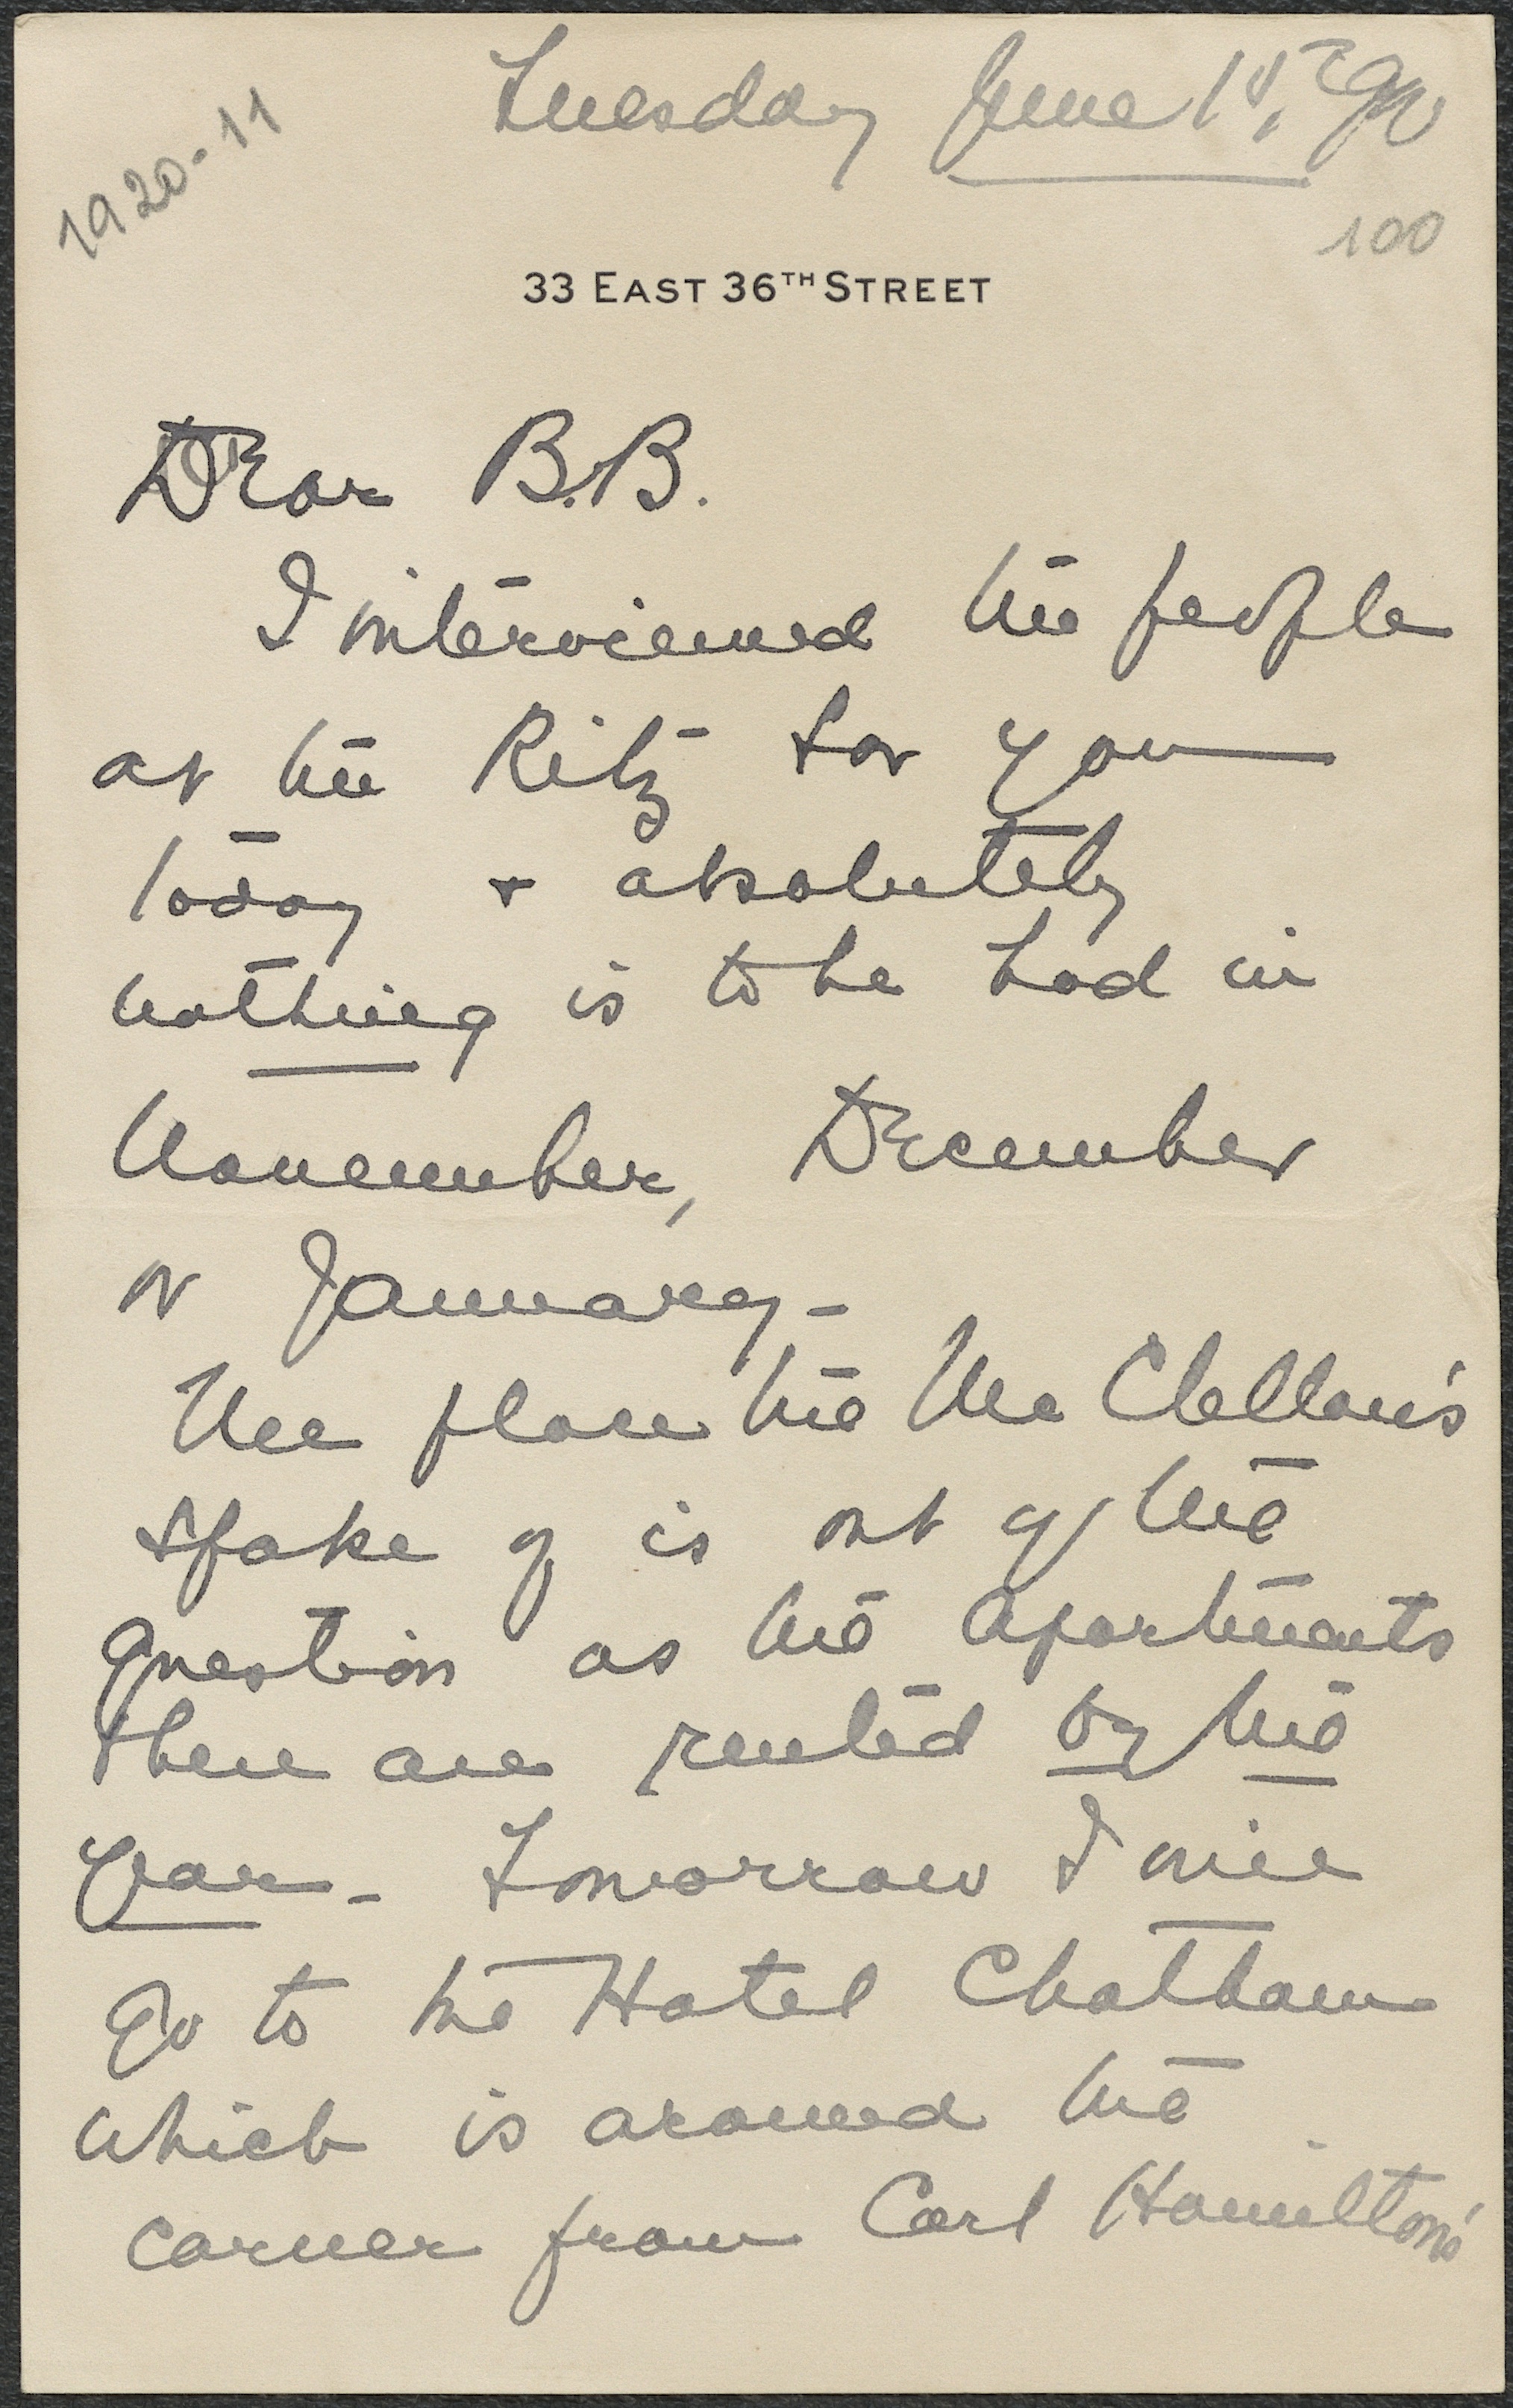[In a lighter ink: Tuesday June 10, 1920]
Dear B.B.
I interviewed the people at the Ritz for you today & absolutely nothing is to be had in November, December or January –
The place the McClellan’s spoke of is out of the question as the apartments there are rented by the year – Tomorrow I will go to the Hotel Chatham which is around the corner from Carl Hamilton's